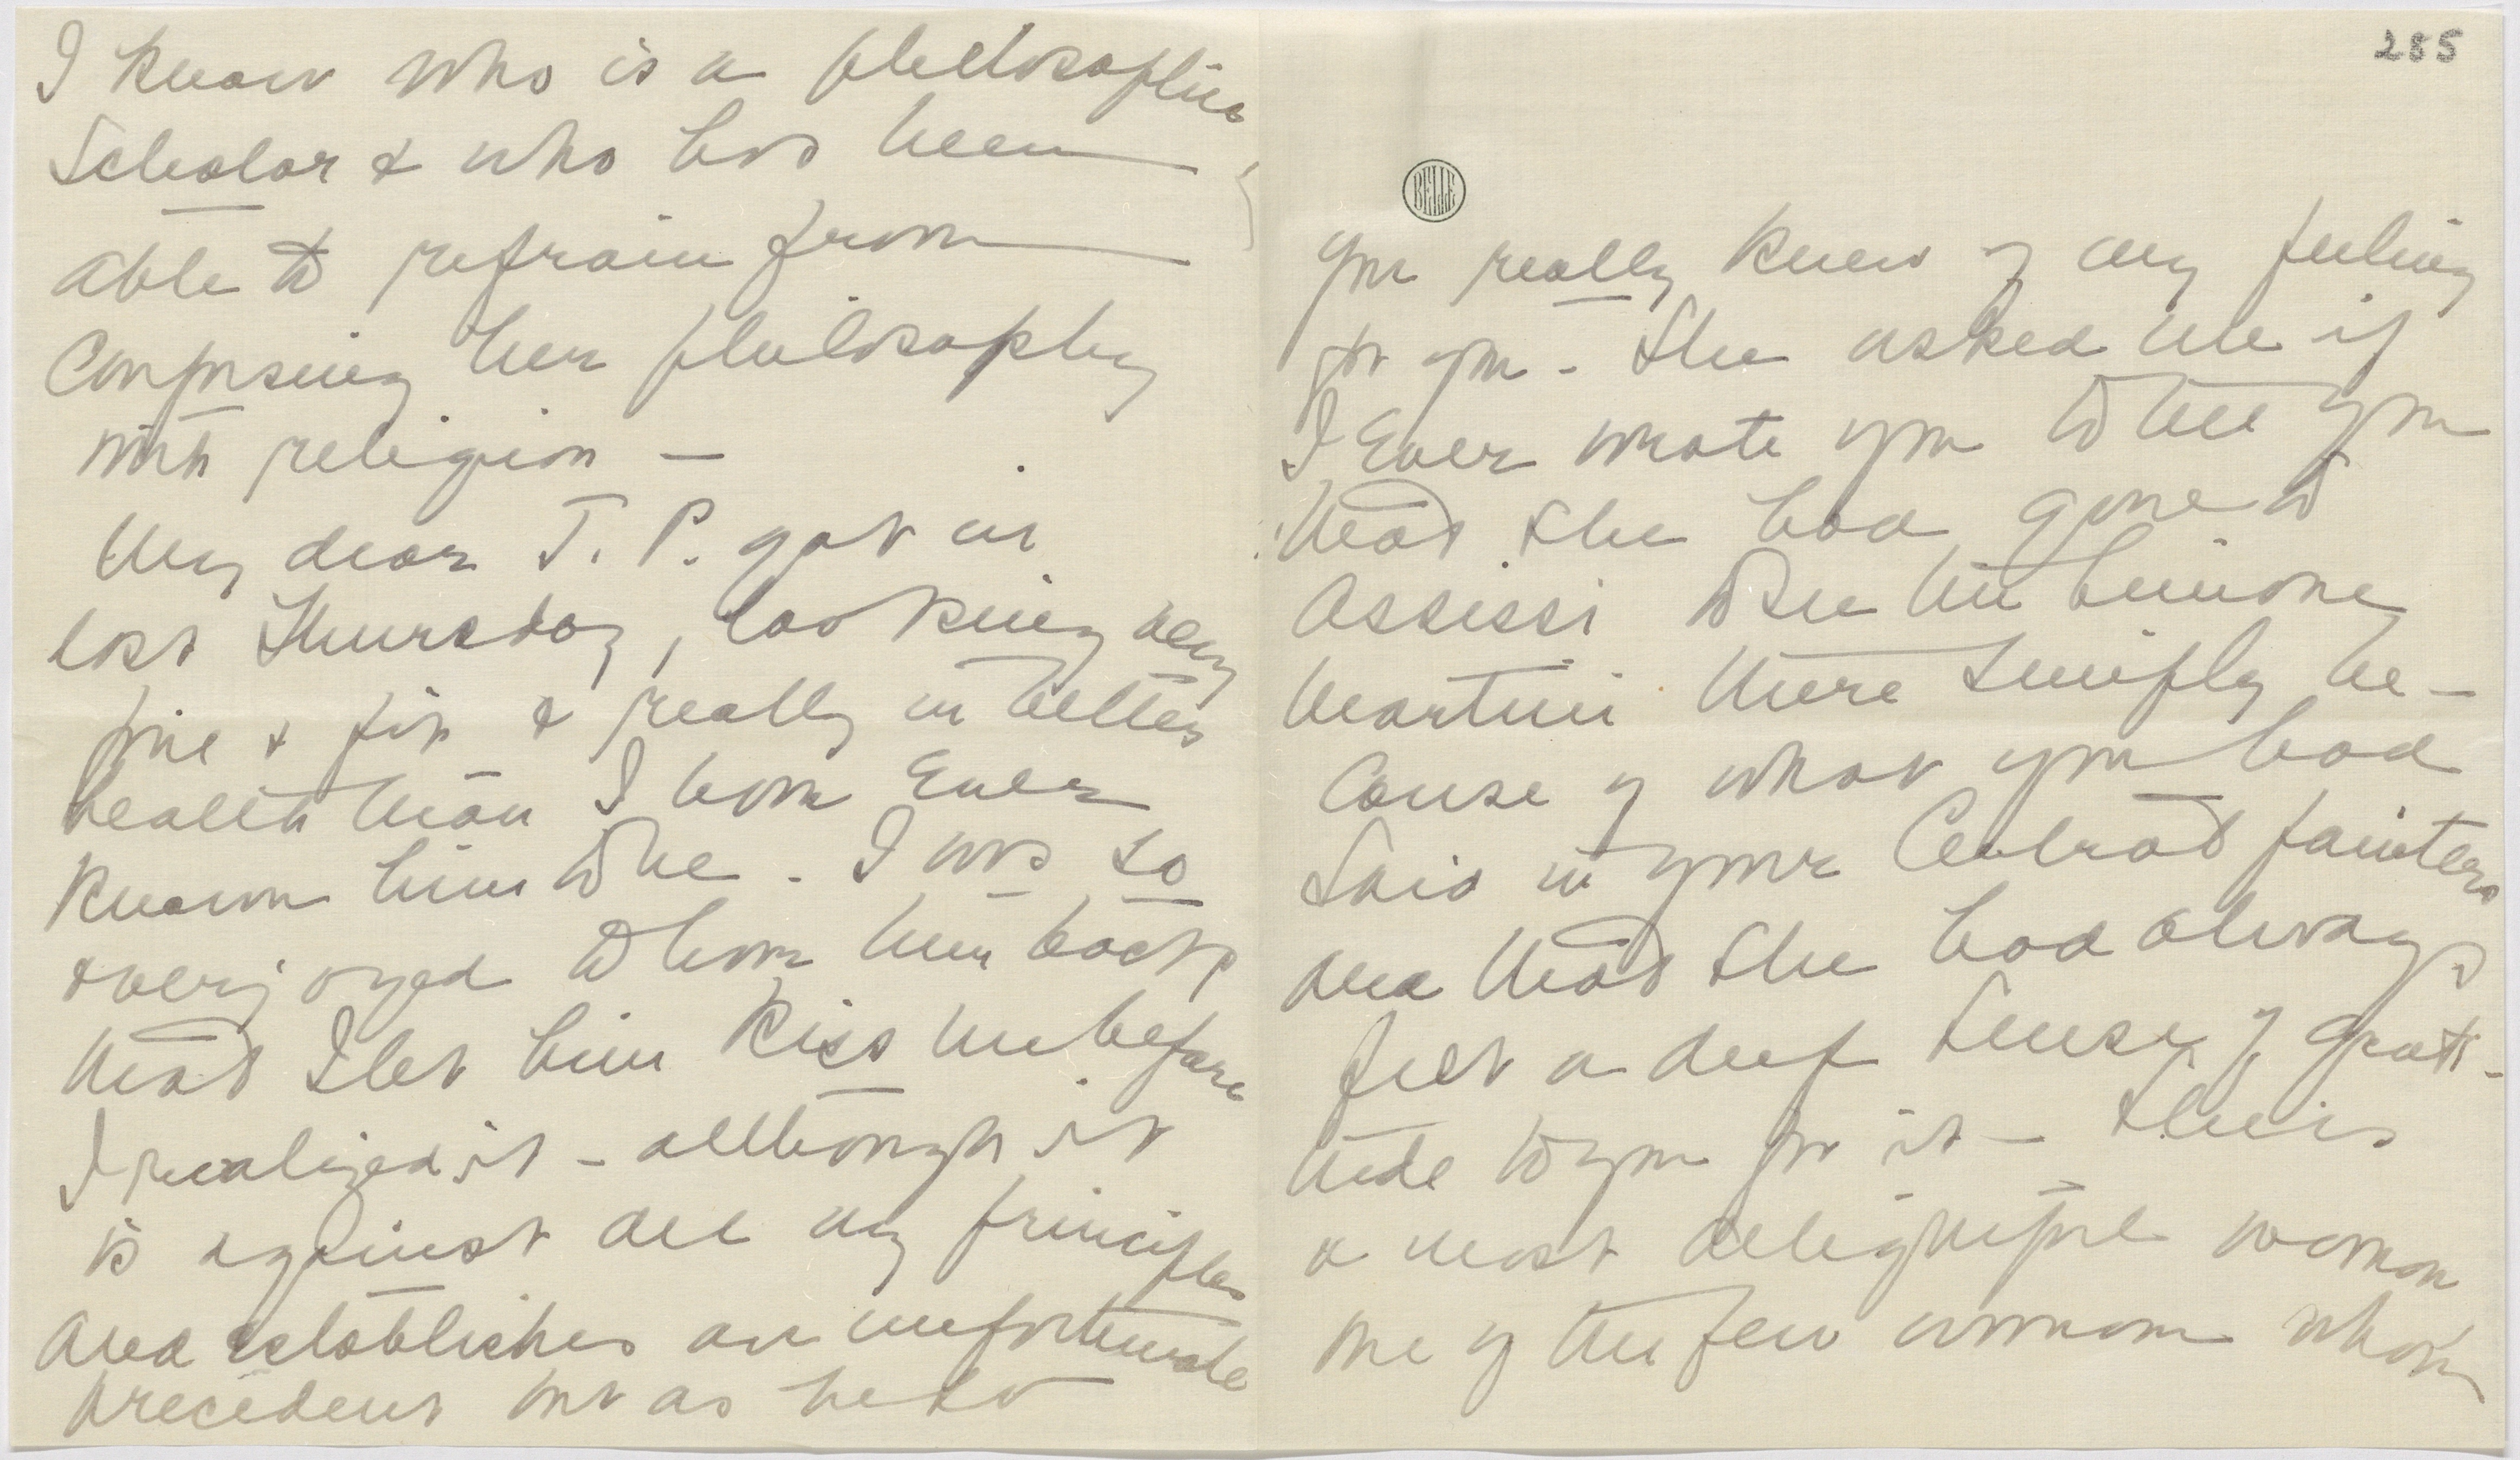you really knew of my feeling for you – She asked me if I ever wrote you to tell you that she had gone to Assisi to see the Simone Martini there simply because of what you had said in your Central painters and that she had always felt a deep sense of gratitude to you for it – She is a most delightful woman one of the few women whom
I know who is a philosophic scholar & who has been able to refrain from confusing her philosophy with religion –
My dear J. P. got in last Thursday, looking very fine & fit & really in better health than I have ever known him to be – I was so overjoyed to have him back that I let him kiss me before I realized it – although it is against all my principles and establishes an unfortunate precedent but as he so